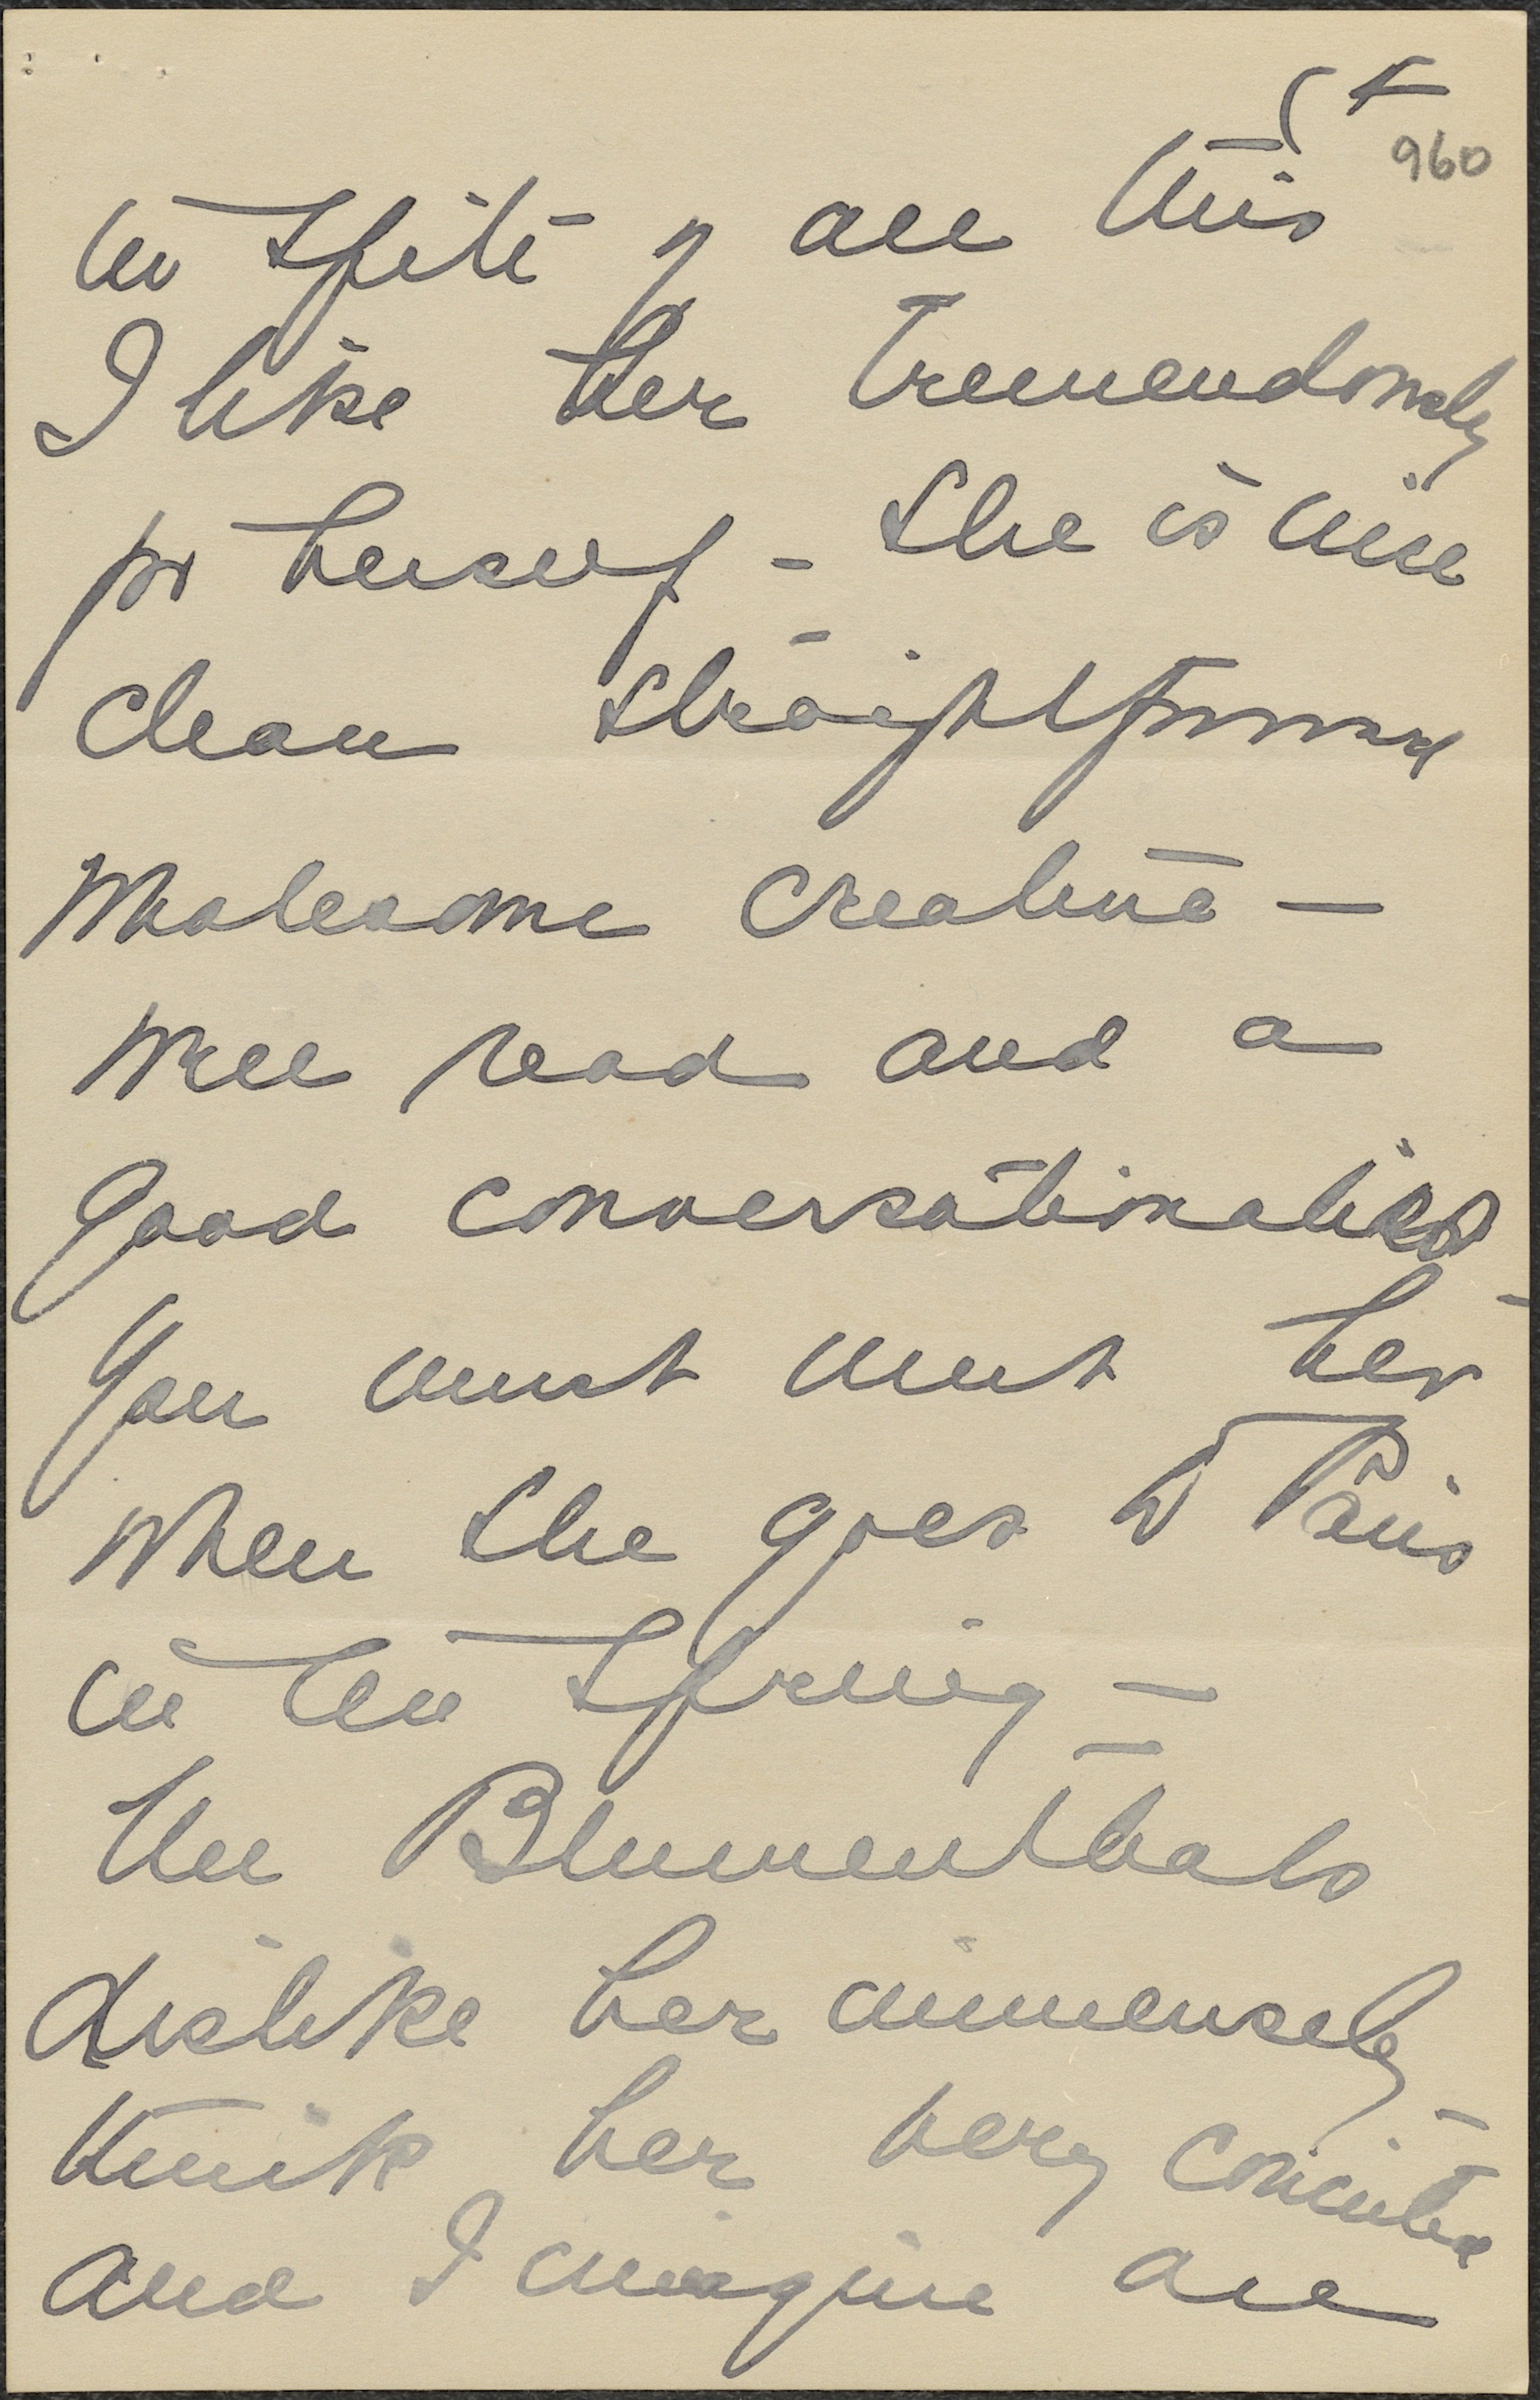in spite of all this I like her tremendously for herself – she is nice clean straightforward wholesome creature – well read and a good conversationalist – You must meet her when she goes to Paris in the Spring –
The Blumenthals dislike her immensely – think her very conceited and I imagine are